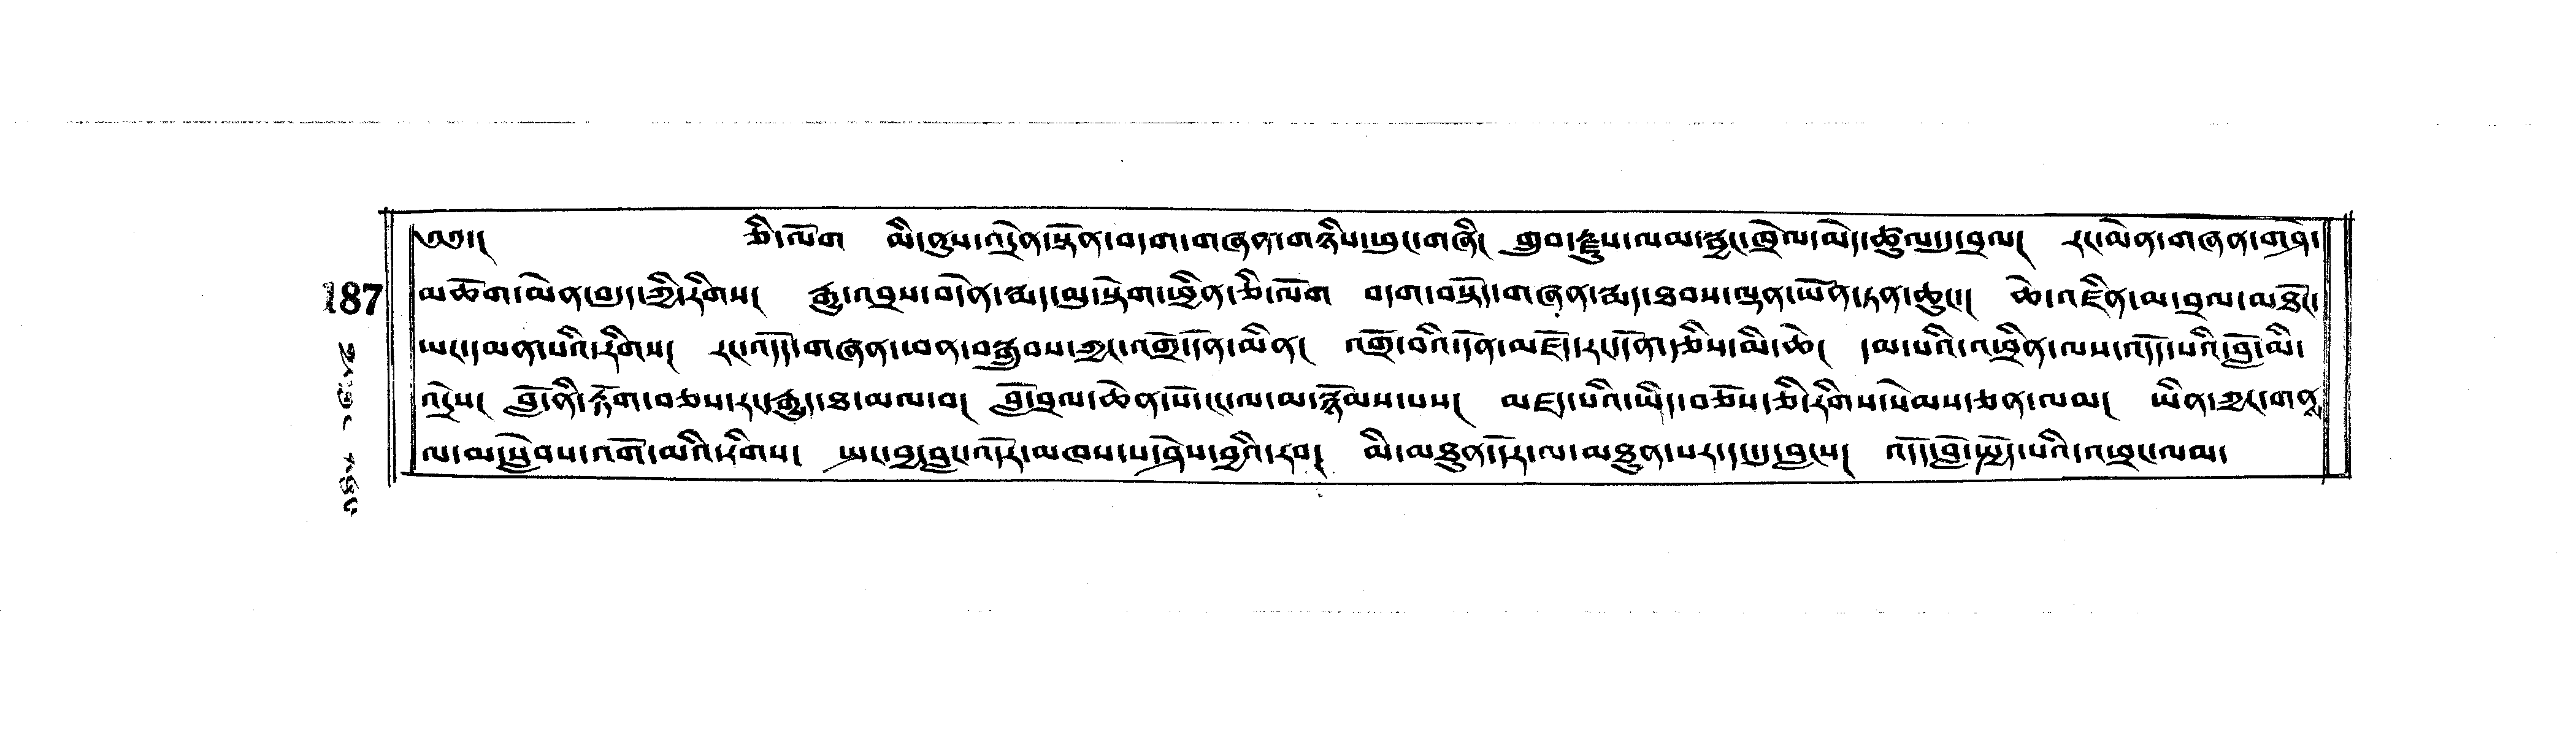ཅི་ལོག མི་ནུས་འདྲེན་སྟོན་བདག་གཞན་གཉིས་ཕུང་གཞི། གྲུབ་རྫུས་ལམ་འཕྲང་ཁྲེལ་མེད་ཚུལ་དུ་བྲལ། རང་མིན་གཞན་གཤེ་
མཆོག་མེན་བདུད་ཀྱི་རིགས། རྒྱུ་འབྲས་བདེན་སྨད་མུ་སྟེགས་ཕྱིན་ཅི་ལོག བདག་བསྟོད་གཞན་སྨད་ཐབས་ལྡན་ཡོན་ཏན་ཆུང་། ཆེ་འཛིན་མ་བྲལ་མཐོང་
ཡང་དམན་པའི་རིགས། རང་འདོད་གཞན་ཕན་བསྒྲུབ་ཀྱང་འགྲོ་དོན་མིན། འགྲོ་བའི་དོན་མཛོད་རང་དོན་རྩིས་མི་ཆེ། དམ་པའི་འཕྲིན་ལས་འདོད་པའི་བློ་མི་
འདྲེས། བློ་ནི་རྟོག་བཅས་རང་རྒྱུད་ཐ་མལ་བ། བློ་བྲལ་ཆེན་པོ་ངང་ལ་མ་སྙོམས་པས། མཛད་པའི་ཡིད་བཅོས་ཅི་རིགས་སེམས་ཅན་ལམ། ཡིན་ཀྱང་གནས་
ལ་མ་སླེབས་འགོ་མའི་རིགས། སྤང་བྱ་བླང་དོར་མཁས་པ་ཤེས་བྱའི་རབ། མི་མཐུན་དོར་ལ་མཐུན་པར་དང་དུ་བླང་། འདོད་བློ་སྤྱོད་པའི་འཕྲང་ལམ་